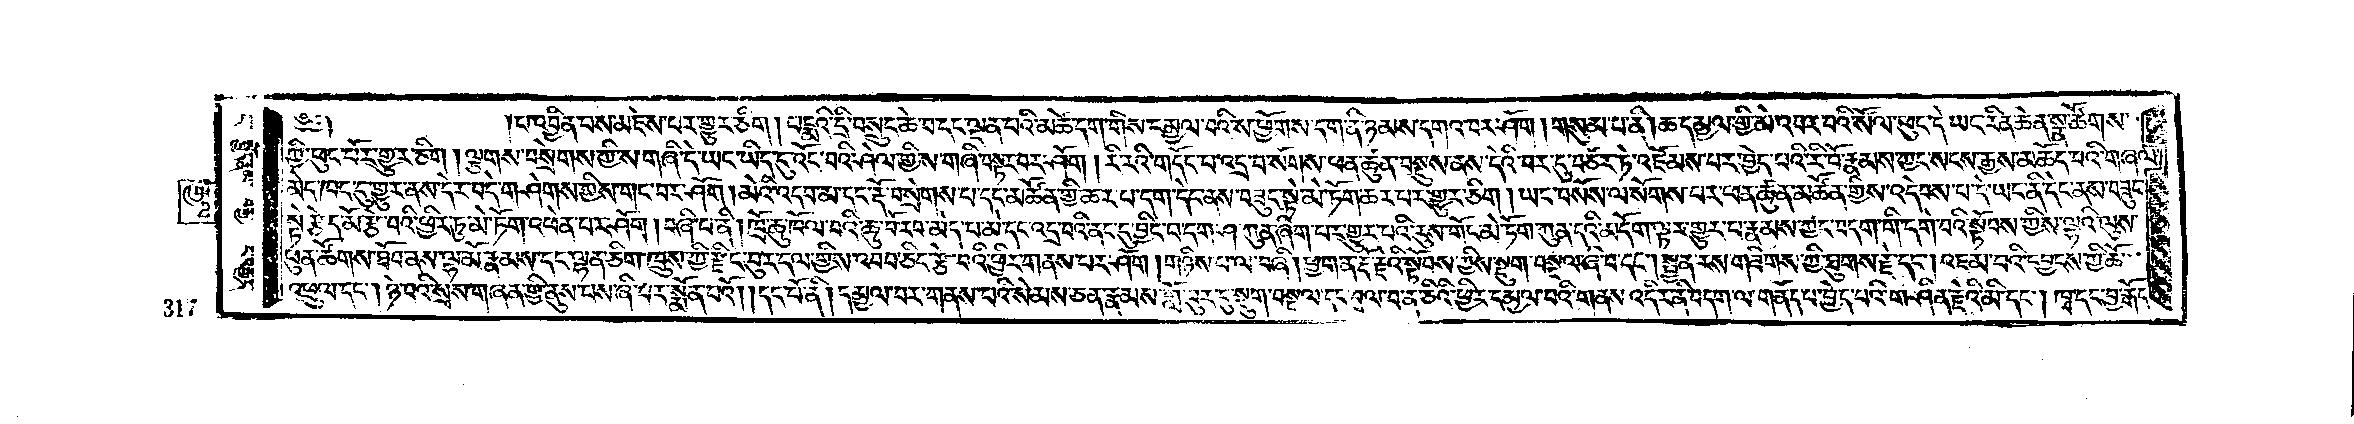༄༅། །པ་འབྱིན་པས་མཛེས་པར་གྱུར་ཅིག །པདམའི་དྲི་བསྲུང་ཆེ་བ་དང་ལྡན་པའི་མཚོ་དག་གིས་དམྱལ་བའི་ས་ཕྱོགས་དག་ནི་ཉམས་དགའ་བར་ཤོག །གསུམ་པ་ནི། ཚ་དམྱལ་གྱི་མེ་འབར་བའི་སོལ་ཕུང་དེ་ཡང་རིན་ཆེན་སྣ་ཚོགས་
ཀྱི་ཕུང་པོར་གྱུར་ཅིག །ལྕགས་བསྲེགས་ཀྱི་ས་གཞི་དེ་ཡང་ཡིད་དུ་འོང་བའི་ཤེལ་གྱི་ས་གཞི་བསྟར་བར་ཤོག །རི་རའི་གདོང་བ་འདྲ་བ་སོགས་ཕན་ཚུན་བསྡུས་ནས་དེའི་བར་དུ་བཙོར?་ཏེ་འཛོམས་པར་བྱེད་པའི་རི་བོ་རྣམས་ཀྱང་སངས་རྒྱས་མཆོད་པའི་གཞལ་
མེད་ཁང་དུ་གྱུར་ནས་དེར་བདེ་གཤེགས་ཀྱིས་གང་བར་ཤོག །དེའི་འདབ་མ་དང་རྡོ་བསྲེགས་པ་དང་མཚོན་གྱི་ཆར་པ་དག་དེང་ནས་བཟུང་སྟེ་མེ་ཏོག་ཆར་པར་གྱུར་ཅིག །ཡང་བསོས་ལ་སོགས་པར་ཕན་ཚུན་མཚོན་གྱིས་འདེབས་པ་དེ་ཡང་ནི་དེང་ནས་བཟུང་
སྟེ་རྩེད་མོ་རྩེ་བའི་ཕྱིར་ཏུ་མེ་ཏོག་འཕེན་པར་ཤོག །བཞི་པ་ནི། ཁྲོ་ཆུ་ཁོལ་བའི་ཆུ་བོ་རབ་མེད་པ་མེ་དང་འདྲ་བའི་ནང་དུ་བྱིང་བ་དག་ཤ་ཀུན་ཞིག་པར་གྱུར་པའི་རུས་གོང་མེ་ཏོག་ཀུན་དའི་མདོག་ལྟར་གྱུར་པ་རྣམས་ཀྱང་བདག་གི་དགེ་བའི་སྟོབས་ཀྱི་ལྷའི་ལུས་
ཕུན་ཚོགས་ཐོབ་ནས་ལྷ་མོ་རྣམས་དང་ལྷན་ཅིག་ཁྲུས་ཀྱི་རྩིང་བུར་དལ་གྱིས་འབབ་ཅིང་རྩེ་བའི་ཕྱིར་གནས་པར་ཤོག །གཉིས་པ་ལ་བཞི། ཕག་ན་རྡོ་རྗེ་སྟོབས་ཀྱིས་སྡུག་བསྔལ་ཞི་བ་དང་། སྤྱན་རས་གཟིགས་ཀྱི་ཐུགས་རྗེ་དང་། འཇམ་པའི་དབྱངས་ཀྱི་ཆོ་
འཕྲུལ་དང་། ཉེ་བའི་སྲས་གཞན་གྱི་ནུས་པས་ཞི་བར་སྨོན་པའོ། །དང་པོ་ནི། དམྱལ་བར་གནས་པའི་སེམས་ཅན་རྣམས་གློ་བུར་དུ་སྡུག་བསྔལ་དང་བྲལ་བ་ན་ཅིའི་ཕྱིར་དམྱལ་བའི་གནས་འདིར་ནི་བདག་ལ་གནོད་པ་བྱེད་པའི་གཤིན་རྗེའི་མི་དང་། ཁྭ་དང་བྱ་རྒོད་